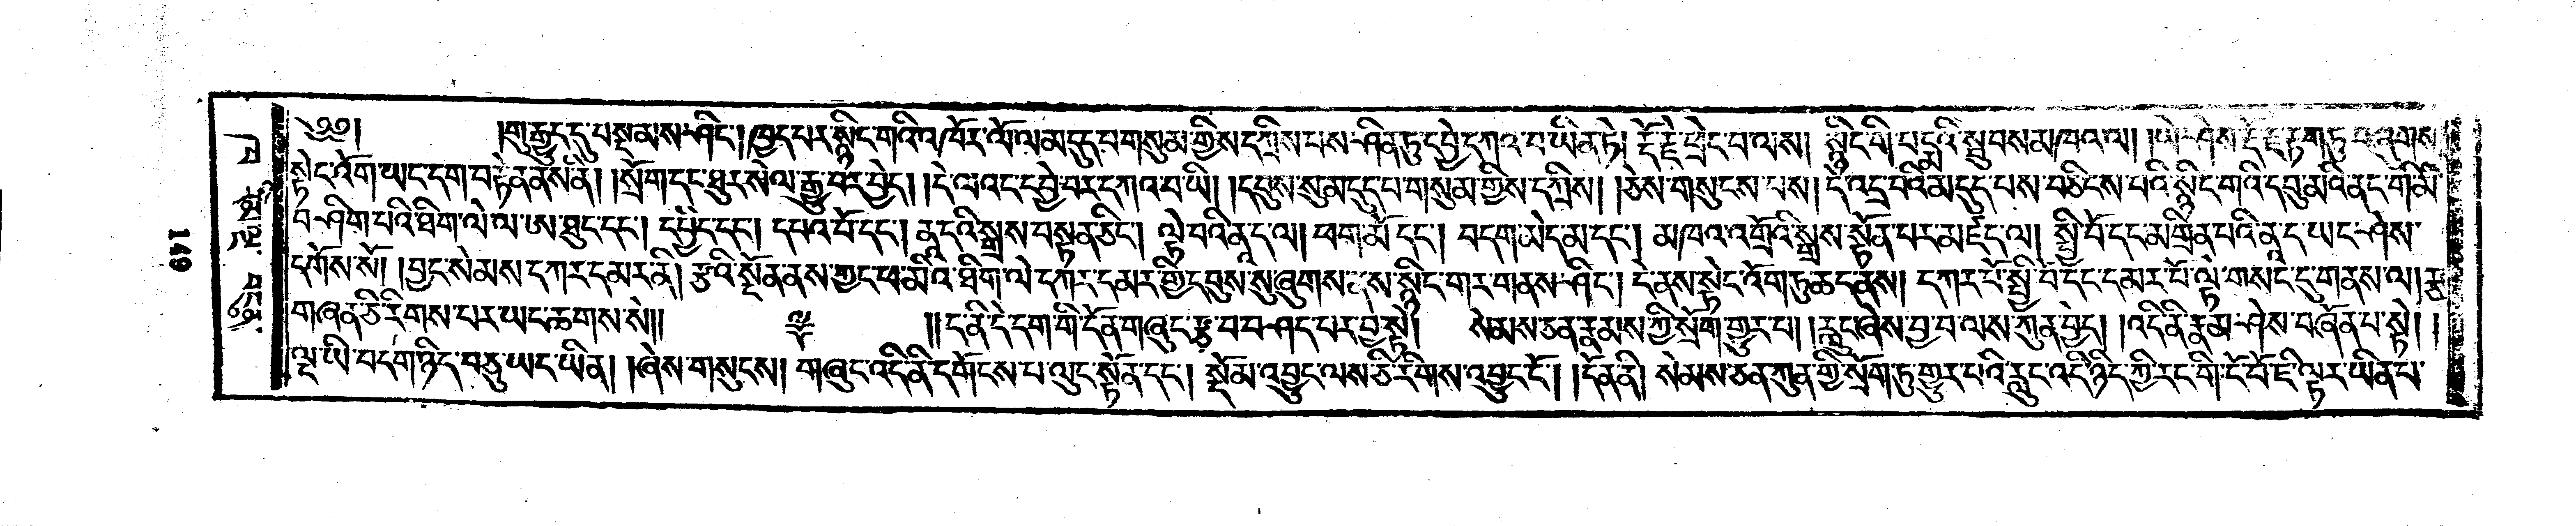༄༅། །གུ་རྒྱུད་དུ་བསྔམས་ཤིང་། ཁྱད་པར་སྙིང་གའི་འཁོར་ལོ་ལ་མདུད་པ་གསུམ་གྱིས་དཀྲིས་པས་ཤིན་ཏུ་དབྱེ་དཀའ་བ་ཡིན་ཏེ། རྡོ་རྗེ་ཕྲེང་བ་ལས། སྙིང་གི་པདམའི་སྤུབས་མཁའ་ལ། །ཡེ་ཤེས་རྡོ་རྗེ་རྟག་ཏུ་བཞུགས་
སྟེང་འོག་ཡང་དག་བརྟེན་ནས་ནི། །སྲོག་དང་ཐུར་སེལ་རྒྱུ་བར་བྱེད། །དེ་ལའང་དབྱེ་བར་དཀའ་བ་ཡི། །དབུས་སུ་མདུད་པ་གསུམ་གྱིས་དཀྲིས། །ཅེས་གསུངས་པས། དེ་འདྲ་བའི་མདུད་པས་བཅིངས་པའི་སྙིང་གའི་དབུ་མའི་ནང་གི་མི་
བཤིག་པའི་ཐིག་ལེ་ལ་ཨ་ཐུང་དང་། དཔྱིད་དང་། དཔའ་བོ་དང་། ནཱ་དའི་སྒྲས་བསྟན་ཅིང་། ལྟེ་བའི་ནཱ་ད་ལ། ཕག་མོ་དང་། བདག་མེད་མ་དང་། མཁའ་འགྲོའི་སྒྲས་སྟོན་པར་མཛད་ལ། སྤྱི་བོ་དང་མགྲིན་པའི་ནཱ་ད་ཡང་ཤེས་
དགོས་སོ། །བྱང་སེམས་དཀར་དམར་ནི། རྩའི་སྔོན་ནས་ཀྱང་ཕ་མའི་ཐིག་ལེ་དཀར་དམར་གྱི་དབུས་སུ་ཞུགས་ནས་སྙིང་གར་གནས་ཤིང་། དེ་ནས་སྟེང་འོག་ཏུ་ཆད་ནས། དཀར་པོ་སྤྱི་བོ་དང་དམར་པོ་ལྟེ་གསང་དུ་གནས་ལ། རྩ་
གཞན་ཅི་རིགས་པར་ཡང་ཆགས་སོ།། ༈ །།ད་ནི་དེ་དག་གི་དོན་གཞུང་རྩ་བ་བཤད་པར་བྱ་སྟེ། སེམས་ཅན་རྣམས་ཀྱི་སྲོག་གྱུར་པ། །རླུང་ཞེས་བྱ་བ་ལས་ཀུན་བྱེད། །འདི་ནི་རྣམ་ཤེས་བཞོན་པ་སྟེ། །
ལྔ་ཡི་བདག་ཉིད་བཅུ་ཡང་ཡིན། །ཞེས་གསུངས། གཞུང་འདི་ནི་དགོངས་པ་ལུང་སྟོན་དང་། སྡོམ་འབྱུང་ལས་ཅི་རིགས་འབྱུང་ངོ། །དོན་ནི། སེམས་ཅན་ཀུན་གྱི་སྲོག་ཏུ་གྱུར་པའི་རླུང་འདི་ཉིད་ཀྱི་རང་གི་ངོ་བོ་ཇི་ལྟར་ཡིན་པ་